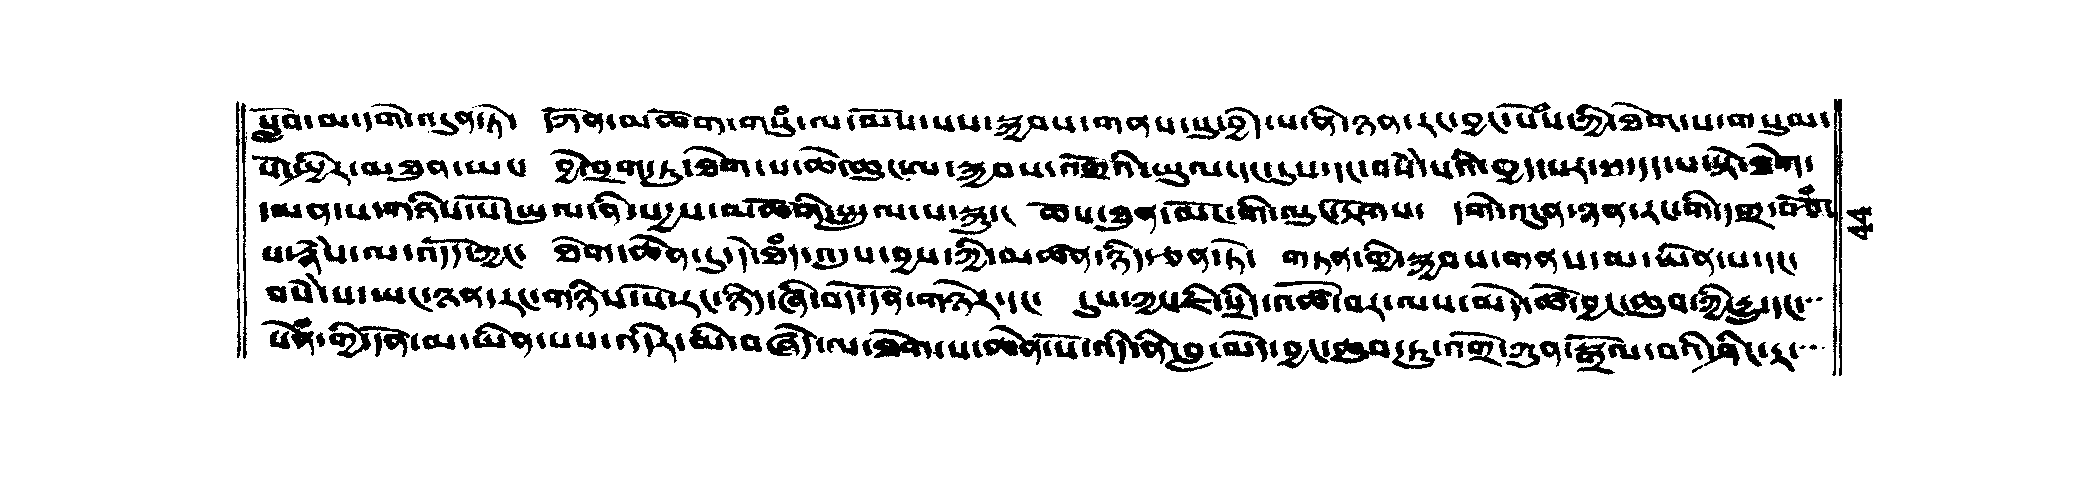སློབ་མ་དགེ་འདུན་ཏེ།དཀོན་མཆོག་གསུམ་ལ་མོས་པས་སྐྱབས་གནས་སུ་བྱེད་པ་ནི་ཉན་རང་བྱང་སེམས་ཀྱི་ཐེག་པ་གསུམ་
པོ་སྤྱིར་མཐུན་ཡང་། བྱེ་བྲག་ཏུ་ཐེག་པ་ཆེ་ཆུང་ལ་སྐྱབས་འགྲོའི་ཡུལ་དང་དུས་དང་བསམ་པའི་ཁྱད་པར་ཐ་དད་པ་སྟེ་ཐེག་
དམན་པ་གཉིས་པོ་ཡུལ་ནི་སངས་རྒྱས་མཆོག་གི་སྤྲུལ་པ་སྐུ། ཆོས་ཐུན་མོང་གི་ལུང་རྟོགས། དགེ་འདུན་ཉན་རང་གི་དགྲ་བཅོམ་
པ་རྣམས་ལ་འདོད་ཀྱང་། ཐེག་ཆེན་དུ་དེ་ཐམས་ཅད་འདུས་བྱས་ཀྱི་མཚན་ཉིད་ཅན་ཏེ། གཏན་གྱི་སྐྱབས་གནས་མ་ཡིན་པ་དང་
བསམ་པ་ཡང་ཉན་རང་གཉིས་པོ་རང་ཉིད་ཞི་བ་དོན་གཉེར་དང་། དུས་ཀྱང་ཇི་སྲིད་འཚོ་བར་ལས་མེད་ཚེ་བྱང་ཆུབ་ཀྱི་རྒྱུ་དང་
སེམས་ཅན་གྱི་དོན་མ་ཡིན་པས་འདིར་མི་བཞེད་ལ་ཐེག་པ་ཆེན་པོ་འདི་ནི་བླ་མེད་བྱང་ཆུབ་ཏུ་འགྲོ་ཀུན་སྒྲོལ་བའི་ཤིང་རྟ་